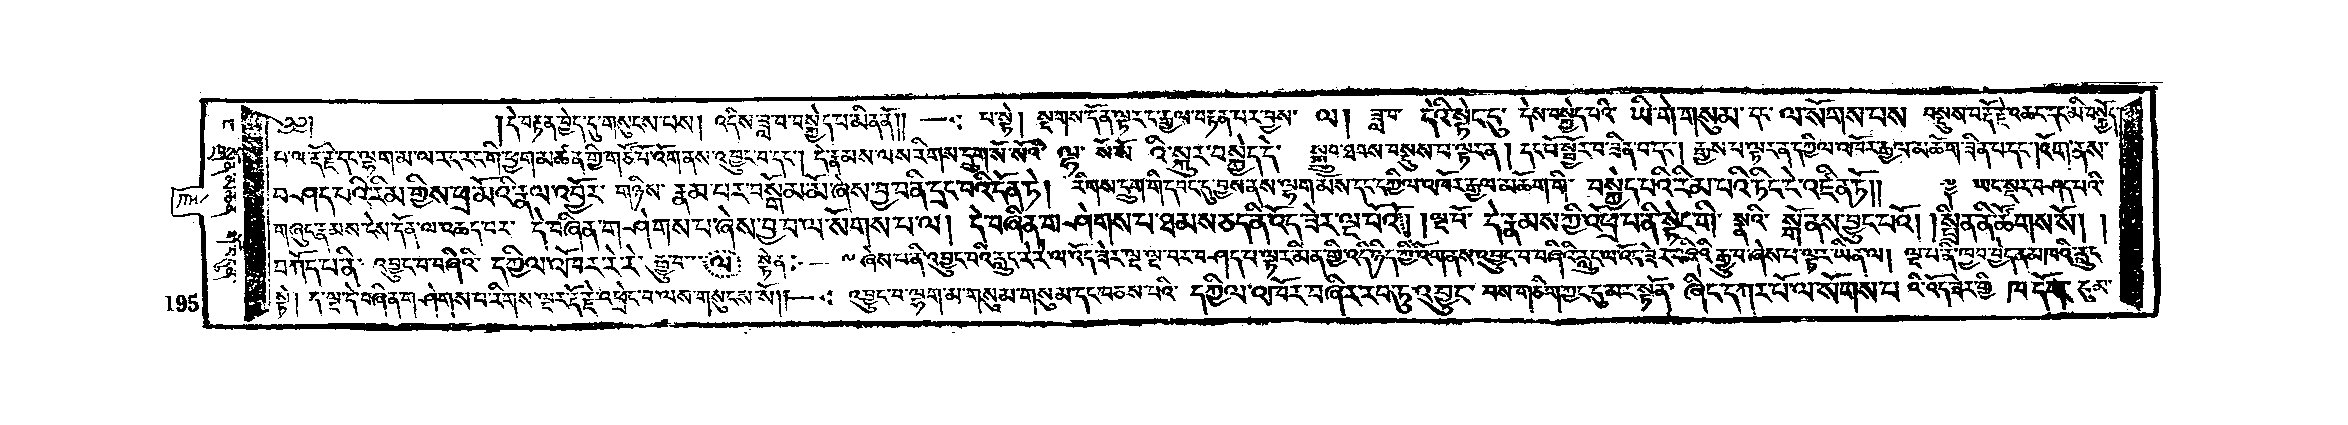༄༅། །དེ་བརྟན་བྱེད་དུ་གསུངས་པས། འདིས་ཟླ་བ་བསྐྱེད་པ་མིན་ནོ།། པ་སྟེ། སྔགས་དོན་ལྟར་ང་རྒྱལ་བརྟན་པར་བྱས་ལ། ཟླ་བ་དེའི་སྟེང་དུ་དེས་བསྐྱེད་པའི་ཡི་གེ་གསུམ་དང་ལ་སོགས་པས་བསྡུས་པ་རྡོ་རྗེ་འཆང་དང་མི་བསྐྱོད་
པ་ལ་རྡོ་རྗེ་དང་ལྷག་མ་ལ་རང་རང་གི་ཕྱག་མཚན་གྱི་གཙོ་བོ་འོག་ནས་འབྱུང་བ་དང་། དེ་རྣམས་ལས་རིགས་དྲུག་སོ་སོའི་ལྷ་སོ་སོའི་སྐུར་བསྐྱེད་དེ་སྒྲུབ་ཐབས་བསྡུས་པ་ལྟར་ན། དང་པོ་སྦྱོར་བ་ཟིན་པ་དང་། རྒྱས་པ་ལྟར་ན་དཀྱིལ་འཁོར་རྒྱལ་མཆོག་ཟིན་པ་དང་།  འོག་ནས་
བཤད་པའི་རིམ་གྱིས་ཕྲ་མོའི་རྣལ་འབྱོར་གཉིས་རྣམ་པར་བསྒོམ་མོ་ཞེས་བྱ་བ་ནི་དྲང་བའི་དོན་ཏེ། རིགས་དྲུག་གི་དབང་དུ་བྱས་ནས་ལྷག་མོས་དང་དཀྱིལ་འཁོར་རྒྱལ་མཆོག་གི་བསྐྱེད་པའི་རིམ་པའི་ཏིང་ངེ་འཛིན་ཏོ།། ༈ ཡང་སྔར་བཤད་པའི་
གཞུང་རྣམས་ངེས་དོན་ལ་འཆད་པར་དེ་བཞིན་གཤེགས་པ་ཞེས་བྱ་བ་ལ་སོགས་པ་ལ། དེ་བཞིན་གཤེགས་པ་ཐམས་ཅད་ནི་འོད་ཟེར་ལྔ་པོའོ། ། ལྔ་པོ་དེ་རྣམས་ཀྱི་འཕྲོ་པ་ནི་སྟེང་གི་སྣའི་སྒོ་ནས་བྱུང་པའོ། །སྤྲིན་ནི་ཚོགས་སོ། །
བཀོད་པ་ནི་འབྱུང་བ་བཞིའི་དཀྱིལ་འཁོར་རེ་རེ་རྒྱུ་བ་ལ་སྟེན་༧ཞེས་པ་ནི་འབྱུང་བའི་རླུང་རེ་རེ་ལ་འོད་ཟེར་ལྔ་ལྔ་པར་བཤད་པ་ལྟར་མིན་གྱི་འདི་ཉིད་ཀྱི་འོག་ནས་འབྱུང་བ་བཞིའི་རླུང་ལ་འོད་ཟེར་བཞིའི་རྒྱུ་བ་ཞེས་པ་ལྟར་ཡིན་ལ། ལྔ་པ་ནི་ཁྱབ་བྱེད་ནམ་མཁའི་རླུང་
སྟེ། ད་ལྔ་དེ་བཞིན་གཤེགས་པ་རིགས་ལྔར་རྡོ་རྗེ་འཕྲེང་བ་ལས་གསུངས་སོ།། འབྱུང་བ་ལྷག་མ་གསུམ་གསུམ་དང་བཅས་པའི་དཀྱིལ་འཁོར་བཞིར་རབ་ཏུ་འབྱུང་བས་གཅིག་ཀྱང་དུ་མར་སྟོན་ཞིང་དཀར་པོ་ལ་སོགས་པའི་འོད་ཟེར་གྱི་ཁ་དོག་དུམ་